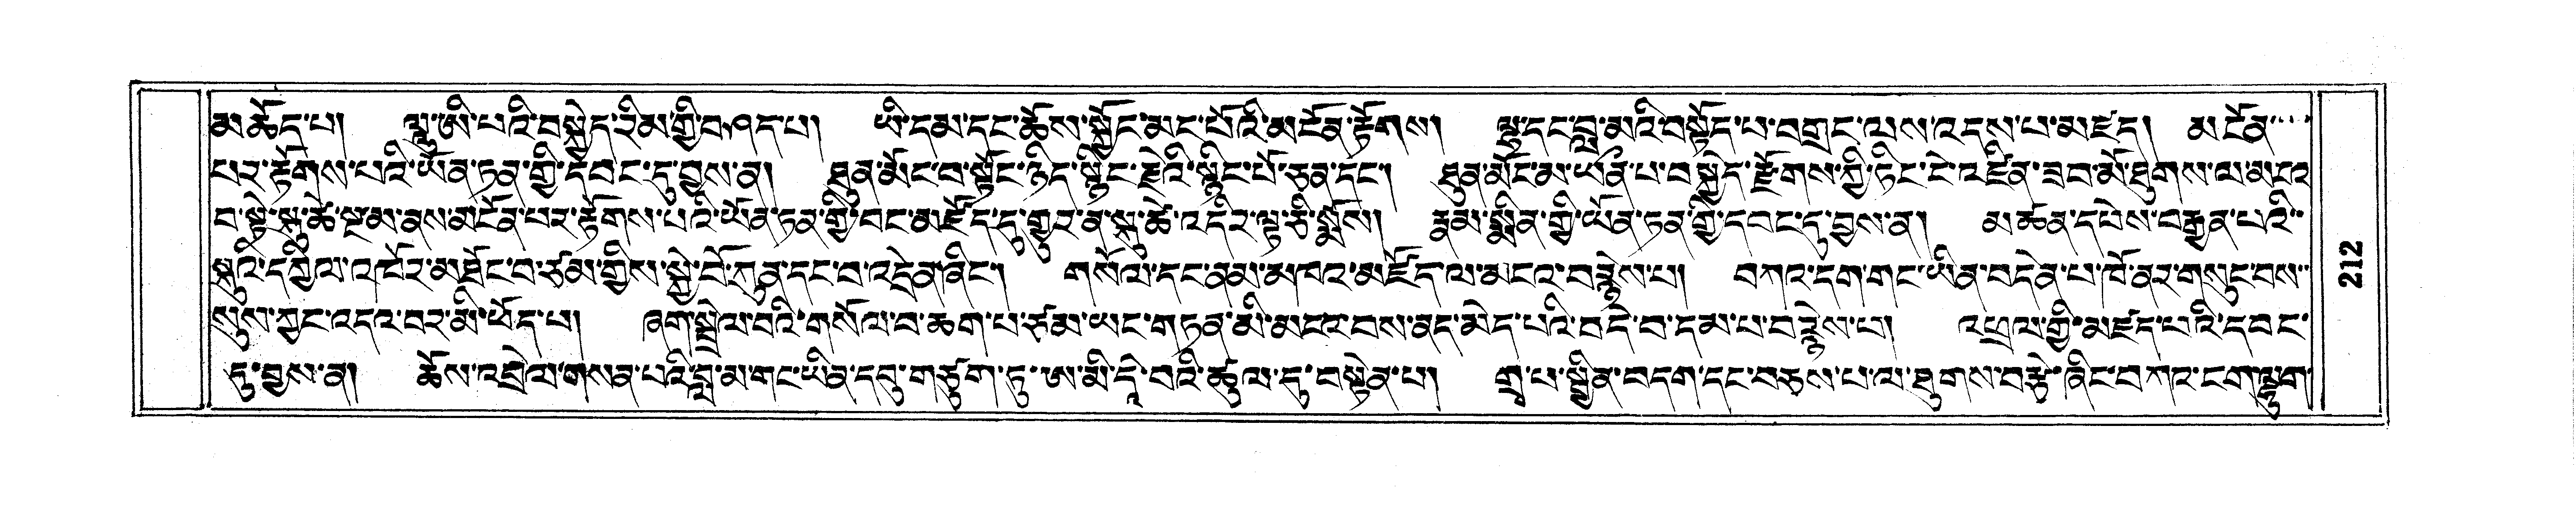མཆོད་པ། ལཱུ་ཨི་པའི་བསྐྱེད་རིམ་གྱི་བཤད་པ། ཡི་དམ་དང་ཆོས་སྐྱོང་མང་པོའི་མངོན་རྟོགས། ལྷ་དང་བླ་མའི་བསྟོད་པ་བགྲང་ལས་འདས་པ་མཛད། མངོན་
པར་རྟོགས་པའི་ཡོན་ཏན་གྱི་དབང་དུ་བྱས་ན། ཐུན་མོང་བ་སྟོང་ཉིད་སྙིང་རྗེའི་སྙིང་པོ་ཅན་དང་། ཐུན་མོང་མ་ཡྀན་པ་བསྐྱེད་རྫོགས་ཀྱི་ཏིང་ངེ་འཛིན་ཟབ་མོ་ཐུགས་ལ་མངའ་
བ་སྟེ་སྐུ་ཚེ་སྔ་མ་ནས་མངོན་པར་རྟོགས་པའི་ཡོན་ཏན་གྱི་བང་མཛོད་དུ་གྱུར་ན་སྐུ་ཚེ་འདིར་ལྟ་ཅི་སྨོས། རྣམ་སྨིན་གྱི་ཡོན་ཏན་གྱི་དབང་དུ་བྱས་ན། མཚན་དཔེས་བརྒྱན་པའི་
སྐུའི་དཀྱིལ་འཁོར་མཐོང་བ་ཙམ་གྱིས་སྐྱེ་བོ་ཀུན་དང་བ་འདྲེན་ཞིང་། གསོལ་དང་ནམ་མཁའ་མཛོད་ལ་མངའ་བརྙེས་པ། བཀའ་དག་གང་ཡིན་བདེན་པ་ཁོ་ནར་གསུང་བས་
སུས་ཀྱང་འདའ་བར་མི་ཕོད་པ། ཞག་སྦྲེལ་བའི་གསོལ་བ་ཆག་པ་ཙམ་ཡང་གཏན་མི་མངའ་བས་ནད་མེད་པའི་བདེ་བ་དམ་པ་བརྙེས་པ། འཕྲལ་གྱི་མཛད་པའི་དབང་
དུ་བྱས་ན། ཆོས་འབྲེལ་གསན་པའི་བླ་མ་གང་ཡིན་དབུ་གཙུག་ཏུ་ཨ་མི་དཱི་བའི་ཚུལ་དུ་བསྟེན་པ། གྲྭ་པ་སྦྱིན་བདག་དང་བཅས་པ་ལ་ཐུགས་བརྩེ་ཞིང་བཀའ་ངག་ལྷུག་